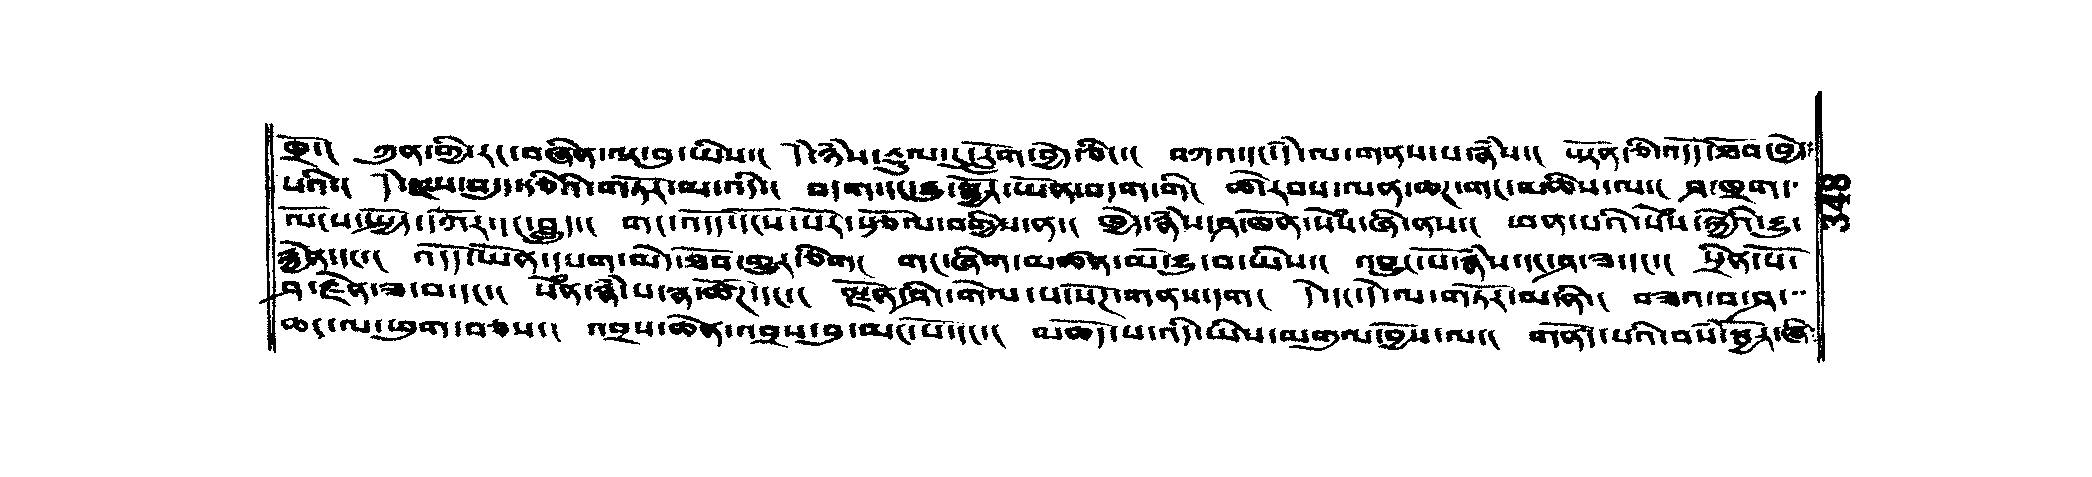ཁྲོ། །ཀུན་གྱི་རང་བཞིན་ལྟ་བུ་ཡིས། །དམ་ཉམས་རྡུལ་དུ་རློག་བྱེད་ཅིང་། །བཀའ་དང་དམ་ལ་གནས་པ་རྣམས། འདོད་ཡོན་ཅི་འདོད་ཐོབ་བྱེད་
པའི། །དམ་རྫས་བདུད་རྩིའི་གཏོར་མ་འདི། །བདག་དང་རྒྱུ་སྦྱོར་ཡོན་བདག་གི། །ཚེ་རབས་ལན་ཆགས་གང་མཆིས་ལ། །ཤ་ཁྲག་
ལོངས་སྤྱོད་དཀོར་དང་བླུད། །གང་འདོད་དངོས་པོར་སྩལ་བགྱིས་ན། །ཁྱེད་རྣམས་ཤ་ཁོན་སེམས་ཞི་ནས། །ཕན་པའི་སེམས་སྐྱེའི་རྒྱུ་
རྐྱེན་དང་། །འདོད་ཡོན་དཔག་མེད་ཐོབ་གྱུར་ཅིག །གང་ཞིག་མཚན་མོ་རྒྱུ་བ་ཡིས། །འབྱུང་པོ་རྣམས་དང་ཤ་ཟ་དང་། །སྲིན་པོ་
ཤ་རྗེན་ཟ་བ་དང་། །སེམས་ཅན་རྣམས་པ་སྣ་ཚོགས་དང། །ལྗོན་ཤིང་གེལ་པ་སོགས་གནས་དག།དེ་དང་དེ་ལ་གཏོར་མ་ནི། །བཟའ་བ་ཤ་
ཆང་ལ་ཕུག་བཅས། །འབྲས་ཆེན་འབྲས་བུ་མང་པོ་དང་། །མཆོད་པ་འདི་ཡི་མགུ་བྱོས་ལ། །གནོད་པའི་བསམ་སྦྱོར་ཞི་